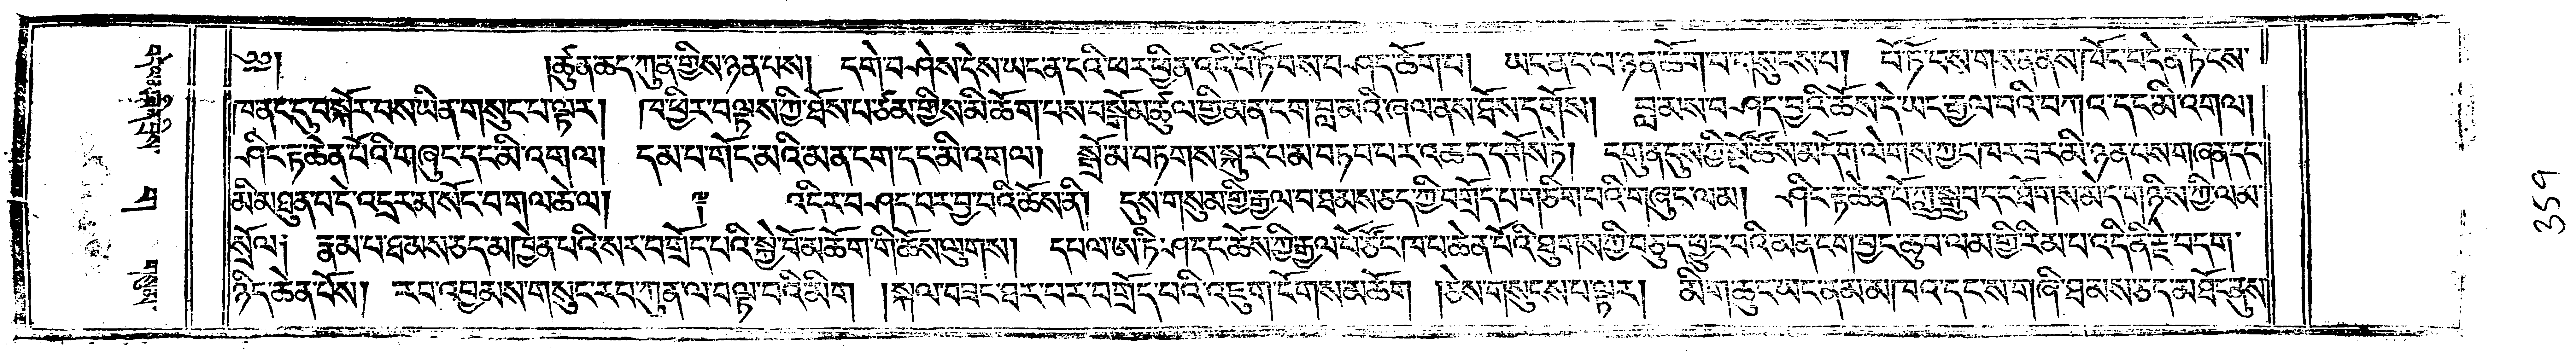༄༅། །ཚུན་ཆད་ཀུན་གྱིས་ཉན་པས། དགེ་བཤེས་དེས་ཡང་ན་ངའི་ཕར་ཕྱིན་འདི་པོ་ཏོ་བས་བཤད་ཆོག་པ། ཡང་ན་ང་ལ་ཉན་ཆོག་པ་གསུངས་པ། བོ་ཏོ་བས་གསན་ནས་ཁོང་བདེན་ཏེ་ངས་
ཁ་ནང་དུ་བསྐོར་བས་ཡིན་གསུང་པ་ལྟར། ཁ་ཕྱིར་བལྟས་ཀྱི་ཐོས་པ་ཙམ་གྱིས་མི་ཆོག་པས་བསྒོམ་ཚུལ་གྱི་མན་ངག་བླ་མའི་ཞལ་ནས་ཐོས་དགོས། བླ་མས་བཤད་བྱའི་ཆོས་དེ་ཡང་རྒྱལ་བའི་བཀའ་དང་མི་འགལ།
ཤིང་རྟ་ཆེན་པོའི་གཞུང་དང་མི་འགལ། དམ་པ་གོང་མའི་མན་ངག་དང་མི་འགལ། སྒྲོམ་བཏགས་སྐུར་པ་མ་བཏབ་པར་འཆད་དགོས་ཏེ། དགུན་དུས་ཀྱི་སྔོ་ཚོས་མདོག་ལེགས་ཀྱང་ཁར་ཟར་མི་ཉན་པས་གཞན་དང་
མི་མཐུན་པ་དེ་འདྲར་མ་སོང་བ་གལ་ཆེ་ལ། ༈ འདིར་བཤད་པར་བྱ་བའི་ཆོས་ནི། དུས་གསུམ་གྱི་རྒྱལ་བ་ཐམས་ཅད་ཀྱི་བགྲོད་པ་གཅིག་པའི་གཞུང་ལམ། ཤིང་རྟ་ཆེན་པོ་ཀླུ་སྒྲུབ་དང་ཐོགས་མེད་གཉིས་ཀྱི་ལམ་
སྲོལ༑ རྣམ་པ་ཐམས་ཅད་མཁྱེན་པའི་སར་བགྲོད་པའི་སྐྱེ་བོ་མཆོག་གི་ཚེས་ལུགས། དཔལ་ཨཏི་ཤ་དང་ཆོས་ཀྱི་རྒྱལ་པོ་ཙོང་ཁ་པ་ཆེན་པོའི་ཐུགས་ཀྱི་བཅུད་ཕྱུང་བའི་མན་ངག་བྱང་ཆུབ་ལམ་གྱི་རིམ་པ་འདི་ནི་རྗེ་བདག་
ཉིད་ཆེན་པོས། རབ་འབྱམས་གསུང་རབ་ཀུན་ལ་བལྟ་བའི་མིག། །སྐལ་བཟང་ཐར་པར་བགྲོད་པའི་འཇུག་ངོགས་མཆོག །ཅེས་གསུངས་པ་ལྟར། མིག་ཆུང་ཡང་ནམ་མཁའ་དང་ས་གཞི་ཐམས་ཅད་མཐོ་ནུས་